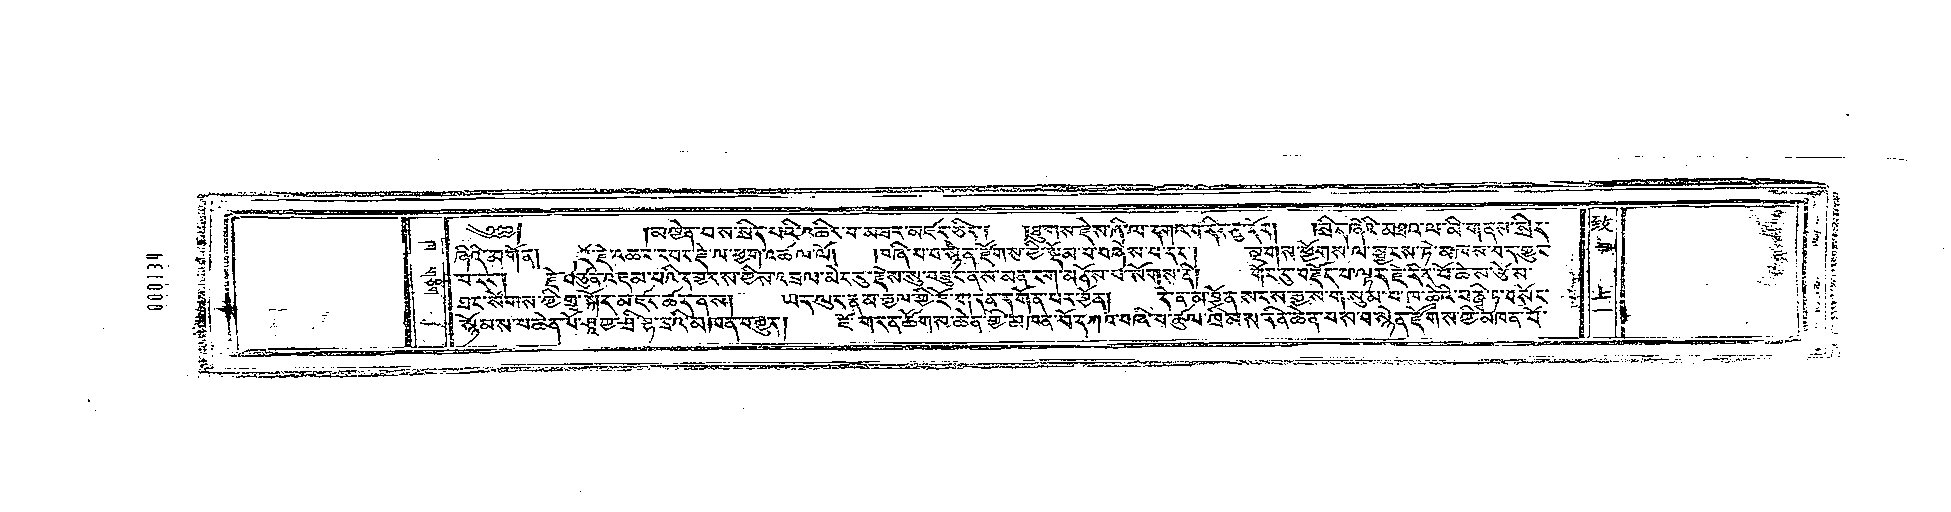༄༅༅། །མཁྱེན་བས་སྲིད་པའི་འཆིང་བ་མཐར་མཛད་ཅིང་། །ཐུགས་རྗེས་ཞི་ལ་དགའ་བ་རིང་དུ་དོར། །སྲིད་ཞིའི་མཐའ་ལ་མི་གནས་སྲིད་
ཞིའི་མགོན། །རྡོ་རྗེ་འཆང་དབང་རྗེ་ལ་ཕྱག་འཚལ་ལོ། །བཞི་པ་བསྙེན་རྫོགས་ཀྱི་སྡོམ་བ་བཞེས་པ་དང་། སྔགས་ཕྱོགས་ལ་སྦྱངས་ཏེ་མཁས་བར་གྱུར་
བ་དང་། རྗེ་བཙུན་འཇམ་པའི་དབྱངས་ཀྱིས་འབྲལ་མེད་དུ་རྗེས་སུ་བཟུང་ནས་མན་ངག་མནོས་པ་སོགས་ནི། གོང་དུ་བརྗོད་པ་ལྟར་རྗེ་རིན་པོ་ཆེས་རྩེས་
ཐང་སོགས་ཀྱི་གྲྭ་སྐོར་མཛད་ཚར་ནས། ཡར་ལུང་རྣམ་རྒྱལ་གྱི་ཇོ་གདན་དགོན་པར་བྱོན། དེ་ན་མ་བྱོན་སངས་རྒྱས་གསུམ་པ་ཁ་ཆེའི་པཎྚི་ཏ་བསོད་
སྙོམས་པ་ཆེན་པོ་ཤཱཀྱ་ཤྲི་བྷ་དྲའི་མཁན་བརྒྱུད། ཇོ་གདན་ཚོགས་ཆེན་གྱི་མཁན་བོ་དཀའ་བཞི་བ་ཚུལ་ཁྲིམས་རིན་ཆེན་པས་བསྙེན་རྫོགས་ཀྱི་མཁན་པོ་